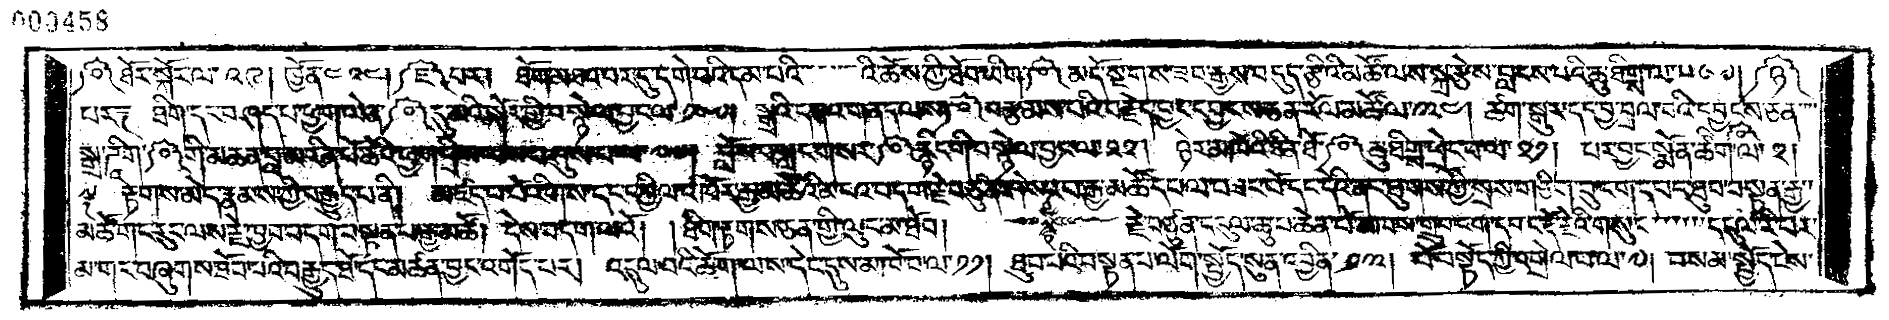༼྾༽ ཐོར་སྐོར་ལ ༢༩། ཁྱོན ༢༤། ༼ཇ༽ པར། ཐོག་མཐའ་བར་དུ་དགེ་བའི་དམ་པའི་འི་ཆོས་ཀྱི་ཐོབ་ཡིག ༼྾༽ མདོ་སྔགས་ཟབ་རྒྱས་བདུད་རྩིའི་མཚོ་ལས་སྐྲ་རྩེས་བླངས་པའི་ཆུ་ཐིགས་ལ ༥༦༧། ༼ཉ༽
པར༑ ཐིག་དང་བཤད་པ་ཕྱག་ལེན ༼྾༽ དུ་མའི་སྐོར་གྱི་བསྙེལ་བྱང་ལ ༡༦༧། སྒྲའི་དཀའ་གནད་ལས ༼྾༽ བརྩམས་པའི་བརྗེད་བྱང་དབྱངས་ཅན་རོལ་མཚོ་ལ ༣༤། ཚག་སྒུར་དང་བྱ་བྲལ་བའི་དབྱངས་ཅན་
སྒྲ་ཌཱིག ༼྾༽ གི་མཆན་བླ་མ་རིན་པོ་ཆེའི་ཕྱག་བྲིས་ལས་བཤུས་པ་ལ ༧༧། བློས་བསླང་གསར ༼྾༽ རྙིང་གི་བསྙེལ་བྱང་ལ ༢༢། ཉེར་མཁོའི་ཟིན་ཐོ ༼྾༽ མུ་ཐིགས་ཕྲེང་བ་ལ ༢༡། པར་བྱང་སྨོན་ཚིག་ལ ༢།
༈ རྟགས་མེད་རྣམས་ཀྱི་བརྒྱུད་པ་ནི། མཛད་པ་པོ་རིགས་དང་དཀྱིལ་འཁོར་རྒྱ་མཚོའི་མངའ་བདག་རྗེ་བཙུན་ཤེས་རབ་རྒྱ་མཚོ་དཔལ་བཟང་པོ་དང་དེའི་ནང་ཐུགས་ཀྱི་སྲས་གཅིག་བུ་ངག་དབང་ཐུབ་བསྟན་རྒྱ་
མཚོ་གང་རུང་ལས་རྗེ་ཁྱབ་བདག་བསྟན་པ་རྒྱ་མཚོ། དེས་བདག་ལའོ། །ཐིག་རྟགས་ཅན་གྱི་ལུང་མ་ཐོབ། ༈ རྗེ་བཙུན་དངུལ་ཆུ་པ་ཆེན་པོ་མཁས་གྲུབ་ངག་དབང་རྡོ་རྗེའི་གསུང་དངུལ་རི་པར་
མ་གང་བཞུགས་ཐོབ་པའི་བརྒྱུད་ཐོ་དང་མཚན་བྱང་འགོད་པར། འདུལ་བའི་ཆོ་ག་ལས་དེང་དུས་མཁོ་བ་ལ ༡༡། ཐུབ་པའི་བསྟན་པ་ལོག་སྤྱོད་སུན་འབྱིན ༡༣། པོ་བསྟོད་ཀྱི་འགྲེལ་བ་ལ ༧། བསམ་སྤྱོད་ངེས་